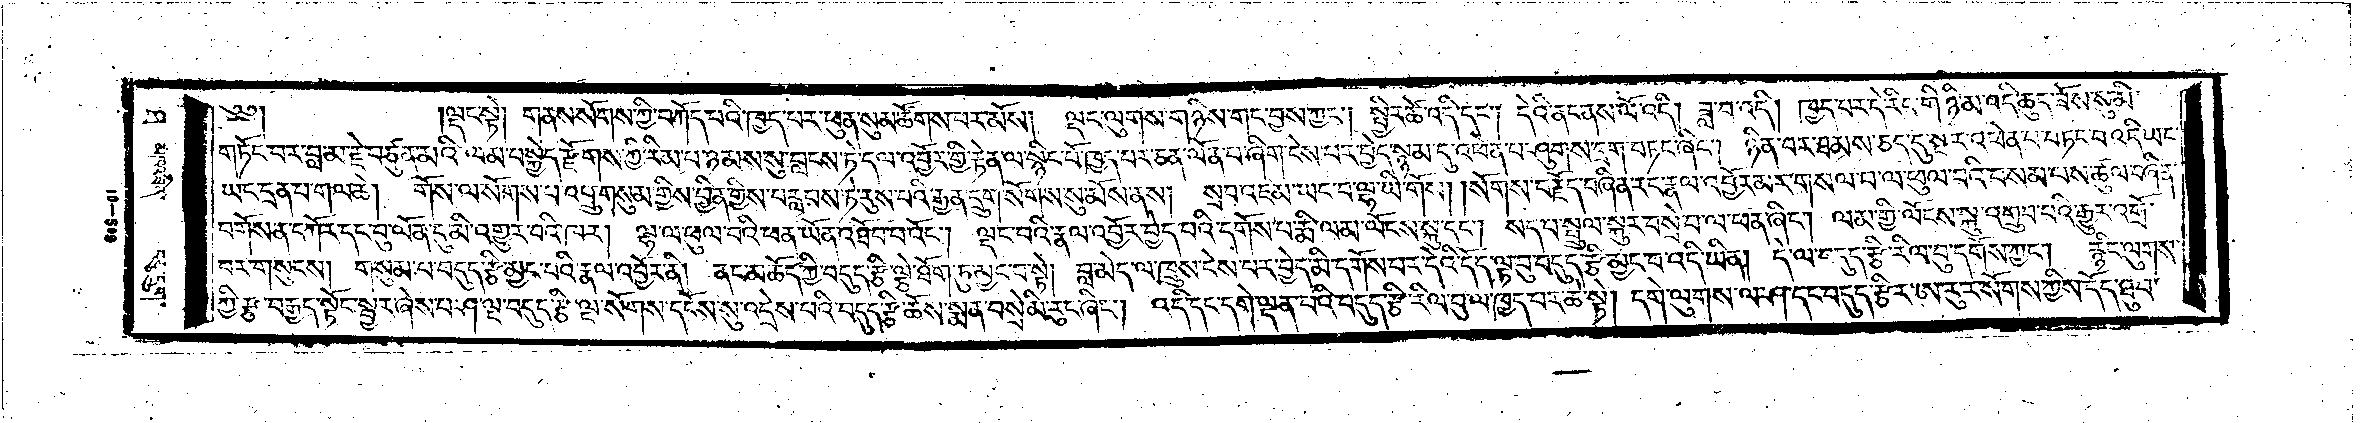༄༅། །ལྡང་སྟེ། གནས་སོགས་ཀྱི་བཀོད་པའི་ཁྱད་པར་ཕུན་སུམ་ཚོགས་པར་མོས། ལྡང་ལུགས་གཉིས་གང་བྱས་ཀྱང་། སྤྱིར་ཚེ་འདི་དང་། དེའི་ནང་ནས་ལོ་འདི། ཟླ་བ་འདི། ཁྱད་པར་དེ་རིང་གི་ཉི་མ་འདི་ཆུད་ཟོས་སུ་མི་
གཏོང་བར་བླ་མ་རྗེ་བཙུན་མའི་ལམ་བསྐྱེད་རྫོགས་ཀྱི་རིམ་པ་ཉམས་སུ་བླངས་ཏེ་དལ་འབྱོར་གྱི་རྟེན་ལ་སྙིང་པོ་ཁྱད་པར་ཅན་ལོན་པ་ཞིག་ངེས་པར་བྱེད་སྙམ་དུ་འཕེན་པ་ཤུགས་དྲག་བཏང་ཞིང་། ཉིན་བར་ཐམས་ཅད་དུ་སྔར་འཕེན་པ་བཏང་བ་འདི་ཡང་
ཡང་དྲན་པ་གལ་ཆེ། གོས་ལ་སོགས་པ་འབྲུ་གསུམ་གྱིས་བྱིན་གྱིས་བརླབས་ཏེ་རུས་པའི་རྒྱན་དྲུག་སོགས་སུ་མོས་ནས། སྲབ་འཇམ་ཡང་བ་ལྷ་ཡི་གོས། །སོགས་བརྗོད་བཞིན་རང་རྣལ་འབྱོར་མར་གསལ་བ་ལ་ཕུལ་བའི་བསམ་པས་ཚུལ་བཞིན་
བགོས་ན་དཀོར་དང་བུ་ལོན་དུ་མི་འགྱུར་བའི་ཁར། ལྷ་ལ་ཕུལ་བའི་ཕན་ཡོན་འཐོབ་པ་འོང་། ལྡང་བའི་རྣལ་འབྱོར་བྱེད་པའི་དགོས་པ་རྨི་ལམ་ལོངས་སྐུ་དང་། སད་པ་སྤྲུལ་སྐུར་བསྲེ་བ་ལ་ཕན་ཞིང་། ལམ་གྱི་ལོངས་སྐུ་འགྲུབ་པའི་རྒྱུར་འགྲོ་
བར་གསུངས། གསུམ་པ་བདུད་རྩི་མྱང་བའི་རྣལ་འབྱོར་ནི། ནང་མཆོད་ཀྱི་བདུད་རྩི་ལྕེ་ཐོག་ཏུ་མྱང་བ་སྟེ། བླ་མེད་ལ་ཁྲུས་ངེས་པར་བྱེད་མི་དགོས་པར་དེའི་དོད་ལྟ་བུ་བདུད་རྩི་མྱང་བ་འདི་ཡིན། དེ་ལ་བདུད་རྩི་རིལ་བུ་དགོས་ཀྱང་། རྙིང་ལུགས་
ཀྱི་རྩ་བརྒྱད་སྟོང་སྦྱར་ཞེས་པ་ཤ་ལྔ་བདུད་རྩི་ལྔ་སོགས་དངོས་སུ་འདྲེས་པའི་བདུད་རྩི་ཆོས་སྨན་བསྲེ་མི་རུང་ཞིང་། འདི་དང་དགེ་ལྡན་པའི་བདུད་རྩི་རིལ་བུ་ལ་ཁྱད་པར་ཆེ་སྟེ། དགེ་ལུགས་ལ་ཤ་དང་བདུད་རྩིར་ཨ་རུ་ར་སོགས་ཀྱིས་དོད་ཐུབ་